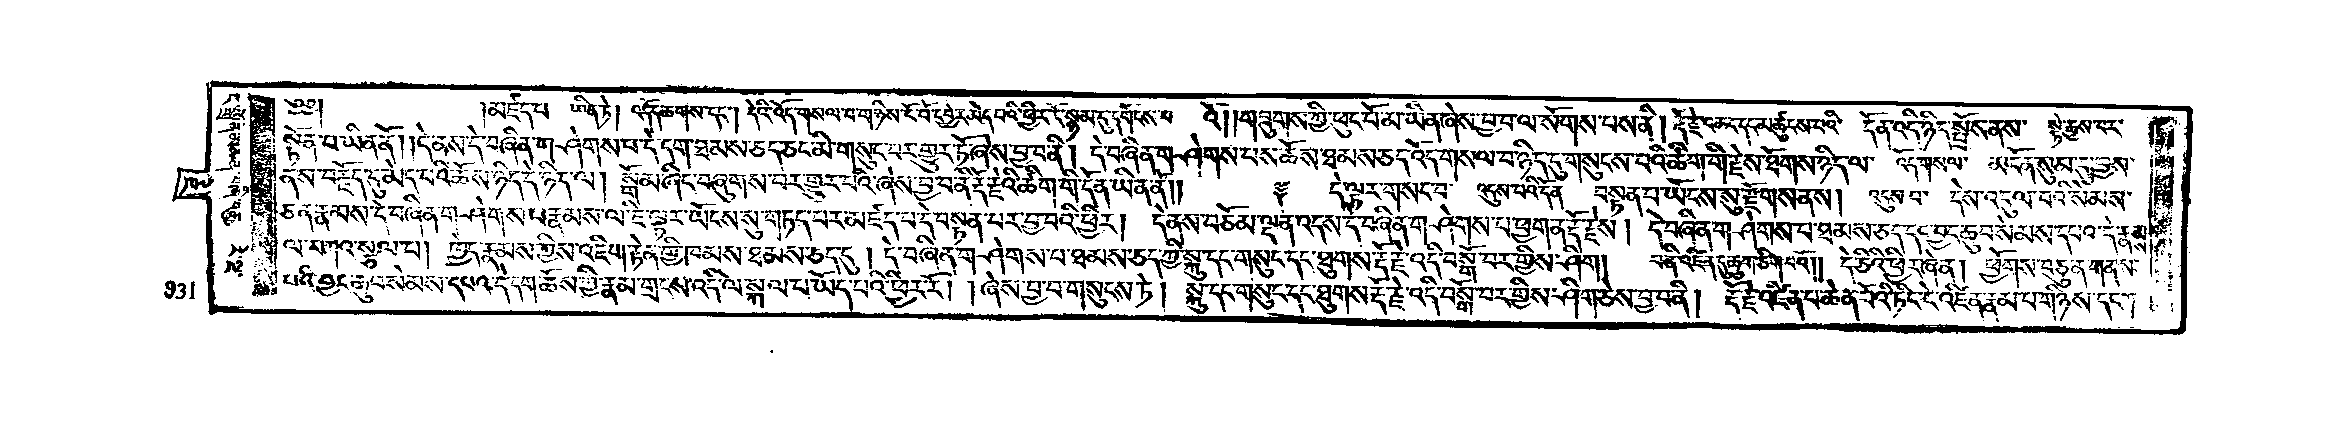༄༅། །མཛད་པ་ཡིན་ཏེ། འདོད་ཆགས་དང་། དེའི་འོད་གསལ་བ་གཉིས་ངོ་བོ་དབྱེར་མེད་པའི་ཕྱིར་རོ་སྙམ་དུ་དགོངས་པའོ། །གཟུགས་ཀྱི་ཕུང་པོ་མ་ཡིན་ཞེས་བྱ་བ་ལ་སོགས་པས་ནི། རྡོ་རྗེ་འཆང་དང་མཚུངས་པའི་དོན་འདི་ཉིད་སྤྲོས་ནས་སྟེ་རྒྱས་པར
སྟོན་པ་ཡིན་ནོ། །དེ་ནས་དེ་བཞིན་གཤེགས་པ་དེ་དག་ཐམས་ཅད་ཅང་མི་གསུང་བར་གྱུར་ཏོ་ཞེས་བྱ་བ་ནི། དེ་བཞིན་གཤེགས་པས་ཆོས་ཐམས་ཅད་འོད་གསལ་བ་ཉིད་དུ་གསུངས་པའི་ཚིག་གི་རྗེས་ཐོགས་ཉིད་ལ་འོད་གསལ་མངོན་སུམ་དུ་བྱས་
ནས་བརྗོད་དུ་མེད་པའི་ཆོས་ཉིད་དེ་ཉིད་ལ། སྒོམ་ཞིང་བཞུགས་པར་གྱུར་པའི་ཞེས་བྱ་བ་ནི་རྡོ་རྗེའི་ཚིག་གི་དོན་ཡིན་ནོ།། ༈ དེ་ལྟར་གསང་བ་འདུས་པའི་དོན་བསྟན་པ་ཡོངས་སུ་རྫོགས་ནས། འདུས་པ་དེས་འདུལ་བའི་སེམས་
ཅན་རྣམས་དེ་བཞིན་གཤེགས་པ་རྣམས་ལ་ཇི་ལྟར་ཡོངས་སུ་གཏད་པར་མཛད་པ་དེ་བསྟན་པར་བྱ་བའི་ཕྱིར། དེ་ནས་བཅོམ་ལྡན་འདས་དེ་བཞིན་གཤེགས་པ་ཕྱག་ན་རྡོ་རྗེས། དེ་བཞིན་གཤེགས་པ་ཐམས་ཅད་དང་བྱང་ཆུབ་སེམས་དཔའ་དེ་རྣམས་
ལ་བཀའ་སྩལ་པ། ཁྱེད་རྣམས་ཀྱིས་འཇིག་རྟེན་གྱི་ཁམས་ཐམས་ཅད་དུ། དེ་བཞིན་གཤེགས་པ་ཐམས་ཅད་ཀྱི་སྐུ་དང་གསུང་དང་ཐུགས་རྡོ་རྗེ་འདི་བསྒོ་བར་གྱིས་ཤིག ། པ་ནི་འཛིན་དུ་ཆུག་ཅིག་པའོ།།  དེ་ཅིའི་ཕྱིར་ཞེ་ན། ཕྱོགས་བཅུ་ན་གནས་པའི་བྱང་ཆུབ་སེམས་དཔའ་དེ་དག་ཆོས་ཀྱི་རྣམ་གྲངས་འདི་ལ་སྐལ་པ་ཡོད་པའི་ཕྱིར་རོ། །ཞེས་བྱ་བ་གསུངས་ཏེ། སྐུ་དང་གསུང་དང་ཐུགས་རྡོ་རྗེ་འདི་བསྒོ་བར་གྱིས་ཤིག་ཅེས་བྱ་བ་ནི། རྡོ་རྗེ་འཛིན་པ་ཆེན་པོའི་ཏིང་ངེ་འཛིན་རྣམ་པ་གཉིས་དང་།